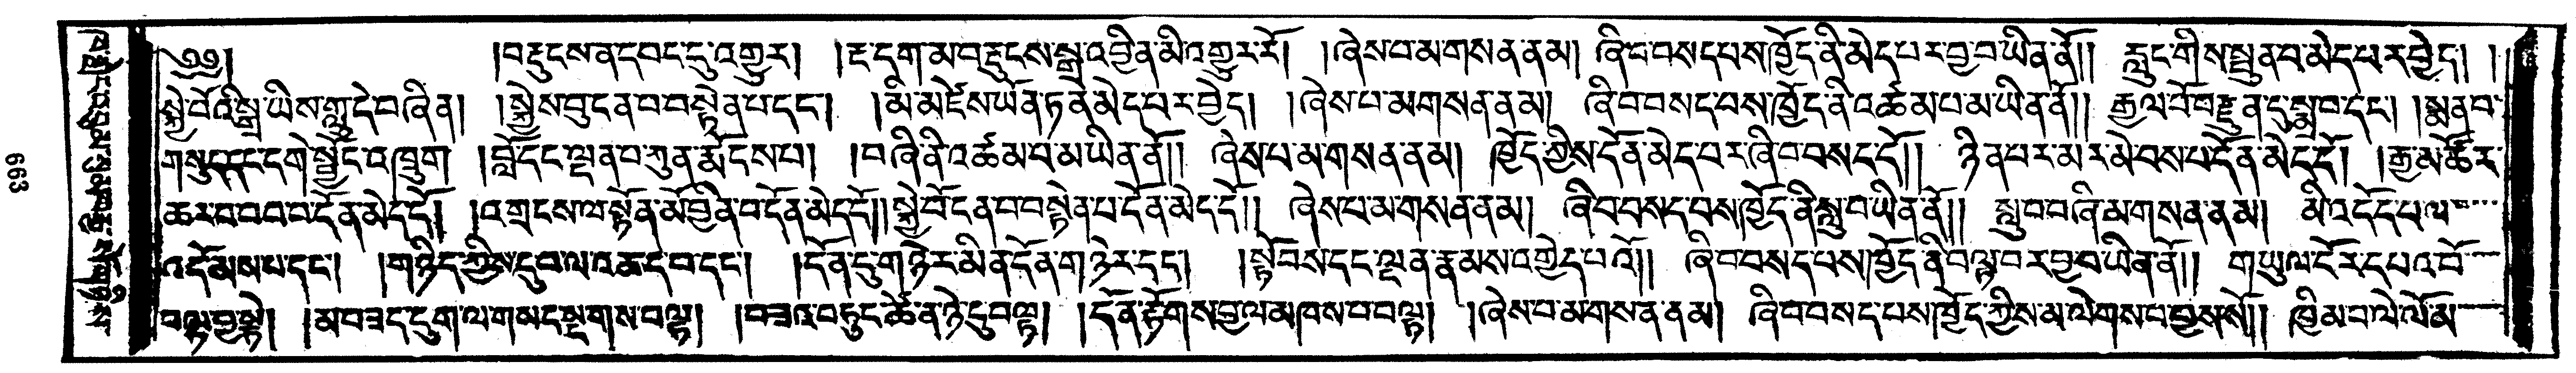༄༅། །བརྡུངས་ན་དབང་དུ་འགྱུར། །རྔ་དག་མ་བརྡུངས་སྒྲ་འབྱིན་མི་འགྱུར་རོ། །ཞེས་པ་མ་གསན་ནམ། ཞི་བ་བསད་པས་ཁྱོད་ནི་མེད་པར་བྱ་བ་ཡིན་ནོ།། རླུང་གིས་སྤུན་བ་མེད་པར་བྱེད། །
སྐྱེ་བོའི་སྒྲ་ཡིས་གླུ་དེ་བཞིན། །སྐྱེས་བུ་ངན་པ་བསྟེན་པ་དང་། །མི་མཛེས་ཡོན་ཏན་མེད་པར་བྱེད། །ཞེས་པ་མ་གསན་ནམ། ཞི་བ་བསད་པས་ཁྱོད་ནི་འཚམ་པ་མ་ཡིན་ནོ།། རྒྱལ་པོ་བརྫུན་དུ་སྨྲ་བ་དང་། །སྨན་པ་
གསུང་དང་དགེ་སྦྱོང་འཁྲུག །བློ་དང་ལྡན་པ་ཀུན་རྨོངས་པ། །བཞི་ནི་འཚམ་པ་མ་ཡིན་ནོ།། ཞེས་པ་མ་གསན་ནམ། ཁྱོད་ཀྱིས་དོན་མེད་པར་ཞི་བ་བསང་ངོ།། ཉིན་པར་མར་མེ་བས་པ་དོན་མེད་དོ། །རྒྱ་མཚོར་
ཆར་བ་བབ་བ་དོན་མེད་དོ། །འགྲངས་ལ་སྟོན་མོ་བྱིན་པ་དོན་མེད་དོ། །སྐྱེ་བོ་ངན་པ་བསྟེན་པ་དོན་མེད་དོ།། ཞེས་པ་མ་གསན་ནམ། ཞིབ་བསད་པས་ཁྱོད་ནི་སླུ་བ་ཡིན་ནོ།། སླུ་བ་བཞི་མ་གསན་ནམ། མི་འདོད་པ་ལ་
འདོམས་པ་དང་། །གཉིད་ཀྱིས་དུ་བ་ལ་འཆད་པ་དང་། །དོན་དུ་གཉེར་མིན་དོན་གཉེར་དང་། །སྟོབས་དང་ལྡན་རྣམས་འགྱེད་པའོ།། ཞི་བ་བསད་པས་ཁྱོད་ནི་བལྟ་བར་བྱ་བ་ཡིན་ནོ།། གཡུལ་ངོར་དཔའ་བོ་
བལྟ་བྱ་སྟེ། །མ་བཟད་དུག་ལ་གསང་སྔགས་བལྟ། །བཟའ་བཏུང་ཚེ་ན་ཉེ་དུ་བལྟ། །དོན་རྟོགས་བྱ་ལ་མཁས་པ་བལྟ། །ཞེས་པ་མ་གསན་ནམ། ཞི་བ་བསད་པས་ཁྱོད་ཀྱིས་མ་ལེགས་པ་བྱས་སོ།། ཁྱིམ་པ་ལེ་ལོ་མ་